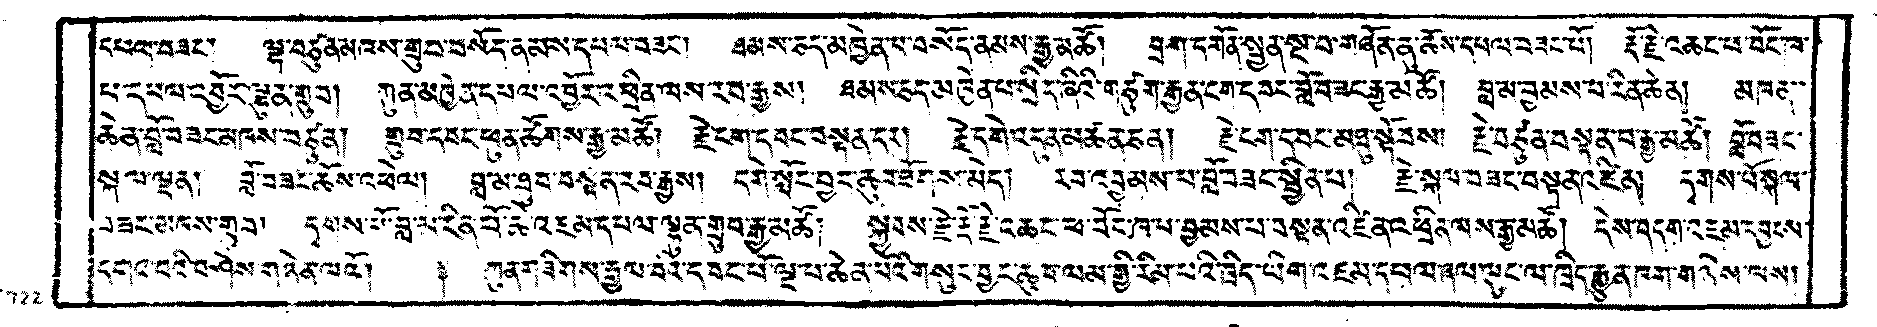དཔལ་བཟང་། ལྷ་བཙུན་མཁས་གྲུབ་བསོད་ནམས་དཔལ་བཟང་། ཐམས་ཅད་མཁྱེན་པ་བསོད་ནམས་རྒྱ་མཚོ། བྲག་དགོན་སྤྱན་སྔ་བ་གཞོན་ནུ་ཆོས་དཔལ་བཟང་པོ། རྡོ་རྗེ་འཆང་ཕ་བོང་ཁ་
པ་དཔལ་འབྱོར་ལྷུན་གྲུབ། ཀུན་མཁྱེན་དཔལ་འབྱོར་འཕྲིན་ལས་རབ་རྒྱས། ཐམས་ཅད་མཁྱེན་པ་སྲིད་ཞིའི་གཙུག་རྒྱན་ངག་དབང་བློ་བཟང་རྒྱ་མཚོ། བླ་མ་བྱམས་པ་རིན་ཆེན། མཁན་
ཆེན་བློ་བཟང་མཁས་བཙུན། གྲུབ་དབང་ཕུན་ཚོགས་རྒྱ་མཚོ། རྗེ་ངག་དབང་བསྟན་དར། རྗེ་དགེ་འདུན་མཚན་ཅན། རྗེ་ངག་དབང་མཐུ་སྟོབས། རྗེ་བཙུན་བསྟན་པ་རྒྱ་མཚོ། བློ་བཟང་
སྐལ་ལྡན། བློ་བཟང་ཆོས་འཕེལ། བླ་མ་ཐུབ་བསྟན་རབ་རྒྱས། དགེ་སློང་བྱང་ཆུབ་ཐོགས་མེད། རབ་འབྱམས་པ་བློ་བཟང་སྦྱིན་པ། རྗེ་སྐལ་བཟང་བསྟན་འཛིན། དྭགས་པོ་སྐལ་
བཟང་མཁས་གྲུབ། དྭགས་པོ་བླ་མ་རིན་པོ་ཆེ་འཇམ་དཔལ་ལྷུན་གྲུབ་རྒྱ་མཚོ། སྐྱབས་རྗེ་རྡོ་རྗེ་འཆང་ཕ་བོང་ཁ་པ་བྱམས་པ་བསྟན་འཛིན་འཕྲིན་ལས་རྒྱ་མཚོ། དེས་བདག་འཇམ་དབྱངས་
དགའ་བའི་བཤེས་གཉེན་ལའོ། ༈ ཀུན་གཟིགས་རྒྱལ་བའི་དབང་པོ་ལྔ་པ་ཆེན་པོའི་གསུང་བྱང་ཆུབ་ལམ་གྱི་རིམ་པའི་ཁྲིད་ཡིག་འཇམ་དཔལ་ཞལ་ལུང་ལ་ཁྲིད་རྒྱུན་ཁག་གཉིས་ལས།